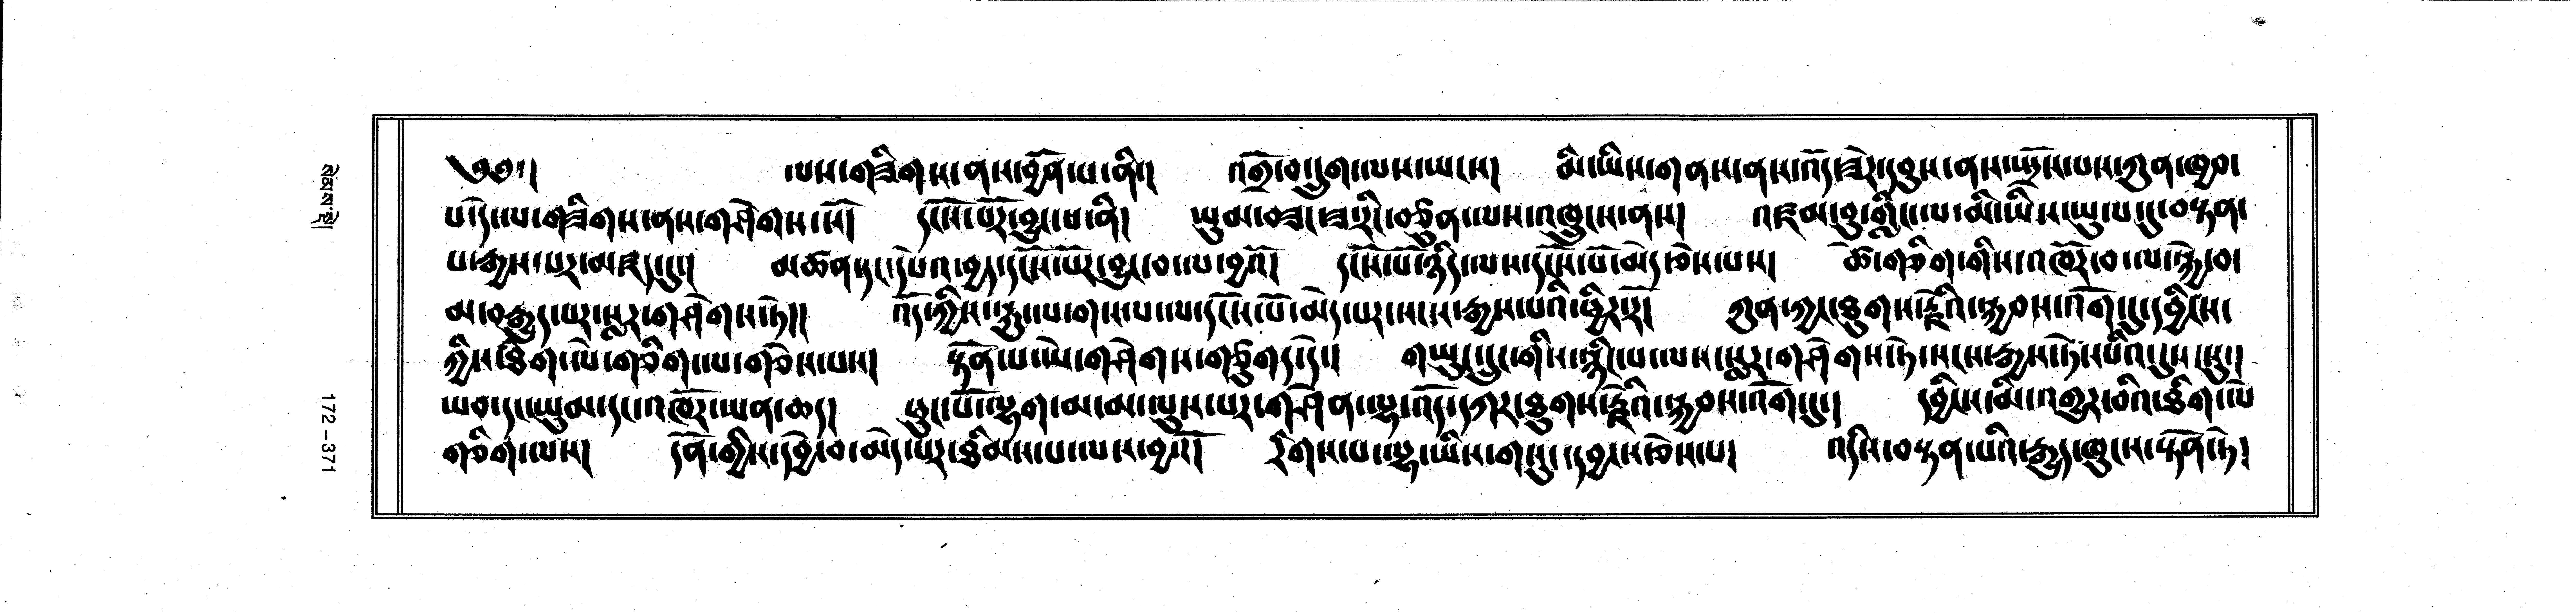ལས་གཟིགས་ནས་བྱོན་པ་ནི། འགྲོ་བ་དྲུག་ལས་ཡང། མི་ཡིས་གནས་ནས་འོད་ཟེར་དབུས་ནས་སྤྲོས་པས་ཀུན་ཁྱབ་
པ་དེ་ལ་གཟིགས་ནས་གཤེགས་སོ། དངོས་པོར་བྱུང་པ་ནི། ཡུམ་བཟང་ཟ་རིང་བཙུན་ལས་འཁྲུངས་ནས། འཛམ་བུ་གླིང་ལ་མི་ཡིས་ཡུལ་དུ་བསྟན་
པ་རྒྱལ་པར་མཛད་དུ། མཚན་དང་དཔེའ་བྱད་དངོས་པོར་བྱུང་བ་ལ་བྱའོ། དངོས་པོ་ཉིད་ལས་དངོས་པོ་མེད་ཅེས་པས། ཚེ་གཅིག་གིས་འཁོར་བ་ལ་སྐྱེ་བ་
མ་བརྒྱུད་པར་སླར་གཤེགས་ཏེ། འོད་ཀྱིས་སྐུ་ལ་གསལ་ལ་དངོས་པོ་མེད་པར་སངས་རྒྱས་པའི་ཕྱིར་རོ། ཀུན་ཀྱང་ཐུགས་རྗེའི་སྐྱབས་འོག་དུ་དབྱིངས་
ཀྱིས་ཐིག་ལེ་གཅིག་ལ་གཅེས་པས། སྟོན་པ་ཡེ་གཤེགས་གཙུག་ཕུད་དེ། གཡུང་དྲུང་གིས་སྙིང་པོ་ལས་སླར་གཤེགས་ཏེ་སངས་རྒྱས་པའི་དུས་སུ། 
ཡབ་དང་ཡུམ་དང་འཁོར་ཡན་ཆད། ཕུང་པོ་ལྷག་མ་མ་ལུས་པར་གཤེན་ལྷ་འོད་དཀར་ཐུགས་རྗེའི་སྐྱབས་འོག་དུ། དབྱིངས་མི་འགྱུར་བའི་ཐིག་ལེ་
གཅིག་ལས། དོན་གྱིས་དབྱེ་བ་མེད་པར་ཐིམས་པ་ལས་བྱའོ། རིགས་པ་ལྷ་ཡིས་གསུང་དབྱངས་ཅེས་པ། འདིས་བསྟན་པའི་རྒྱུད་ཁུངས་སྟོན་ཏེ།